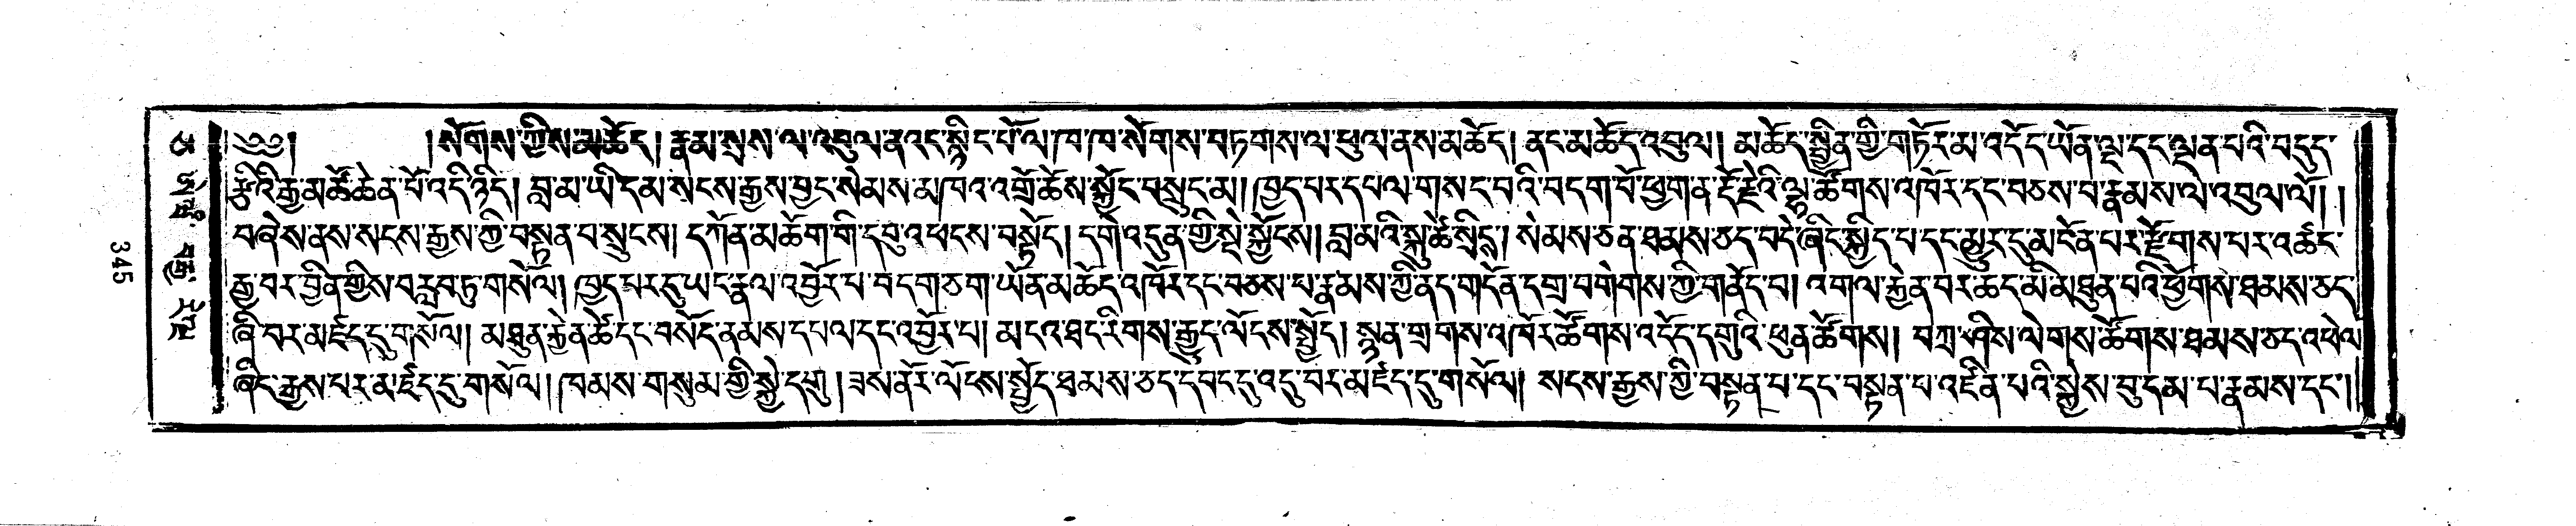༄༅། །སོགས་ཀྱིས་མཆོད། རྣམ་སྲས་ལ་འབུལ་ནའང་སྙིང་པོ་ལ་ཁ་ཁ་སོགས་བཏགས་ལ་ཕུལ་ནས་མཆོད། ནང་མཆོད་འབུལ། མཆོད་སྦྱིན་གྱི་གཏོར་མ་འདོད་ཡོན་ལྔ་དང་ལྡན་པའི་བདུད་
རྩིའི་རྒྱ་མཚོ་ཆེན་པོ་འདི་ཉིད། བླ་མ་ཡི་དམ་སངས་རྒྱས་བྱང་སེམས་མཁའ་འགྲོ་ཆོས་སྐྱོང་བསྲུང་མ། ཁྱད་པར་དཔལ་གསང་བའི་བདག་པོ་ཕྱག་ན་རྡོ་རྗེའི་ལྷ་ཚོགས་འཁོར་དང་བཅས་པ་རྣམས་ལ་འབུལ་ལོ།།
བཞེས་ནས་སངས་རྒྱས་ཀྱི་བསྟན་བསྲུངས། དཀོན་མཆོག་གི་དབུ་འཕངས་བསྟོད། དགེ་འདུན་གྱི་སྡེ་སྐྱོངས། བླ་མའི་སྐུ་ཚེ་སྲིངས། སེམས་ཅན་ཐམས་ཅད་བདེ་ཞིང་སྐྱིད་པ་དང་མྱུར་དུ་མངོན་པར་རྫོགས་པར་འཚང་
རྒྱ་བར་བྱིན་གྱིས་བརླབ་ཏུ་གསོལ། ཁྱད་པར་དུ་ཡང་རྣལ་འབྱོར་པ་བདག་ཅག་ཡོན་མཆོད་འཁོར་དང་བཅས་པ་རྣམས་ཀྱི་ནད་གདོན་དགྲ་བགེགས་ཀྱི་གནོད་པ། འགལ་རྐྱེན་བར་ཆད་མི་མཐུན་པའི་ཕྱོགས་ཐམས་ཅད་
ཞི་བར་མཛད་དུ་གསོལ། མཐུན་རྐྱེན་ཚེ་དང་བསོད་ནམས་དཔལ་དང་འབྱོར་པ། མངའ་ཐང་རིགས་རྒྱུད་ལོངས་སྤྱོད། སྙན་གྲགས་འཁོར་ཚོགས་འདོད་དགུའི་ཕུན་ཚོགས། བཀྲ་ཤིས་ལེགས་ཚོགས་ཐམས་ཅད་འཕེལ་
ཞིང་རྒྱས་པར་མཛད་དུ་གསོལ། ཁམས་གསུམ་གྱི་སྐྱེ་དགུ །ཟས་ནོར་ལོངས་སྤྱོད་ཐམས་ཅད་དབང་དུ་འདུ་བར་མཛད་དུ་གསོལ། སངས་རྒྱས་ཀྱི་བསྟན་པ་དང་བསྟན་པ་འཛིན་པའི་སྐྱེས་བུ་དམ་པ་རྣམས་དང་།